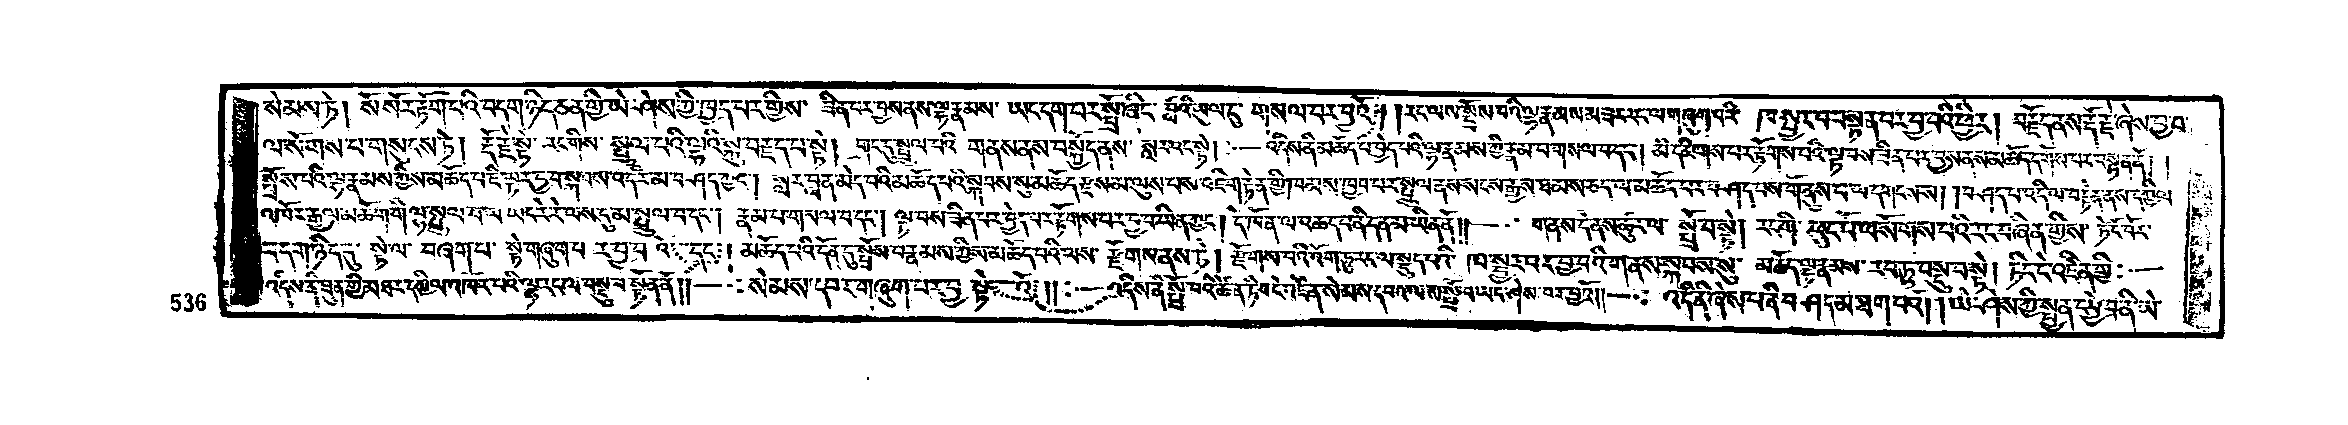སེམས་ཏེ། སོ་སོར་རྟོག་པའི་བདག་ཉིད་ཅན་གྱི་ཡེ་ཤེས་ཀྱི་ཁྱད་པར་གྱིས་ཟིན་པར་བྱས་ནས་ལྷ་རྣམས་ཡང་དག་པར་སྤྲོ་ཞིང་བློའི་ཡུལ་དུ་གསལ་བར་བྱའོ། ། རང་ལས་སྤྲོས་པའི་ལྷ་རྣམས་མཐར་རང་ལ་གཞུག་པའི་ཁ་སྦྱར་བ་བསྟན་པར་བྱ་བའི་ཕྱིར། བརྗོད་ནས་རྡོ་རྗེ་ཞེས་བྱ་བ་
ལ་སོགས་པ་གསུངས་ཏེ། རྡོ་རྗེ་སྟེ་རང་གིས་སྤྲུལ་པའི་ལྷའི་སྐུ་བརྗོད་པ་སྟེ། གང་དུ་སྤྲུལ་པའི་གནས་ནས་བསྐྱོད་ནས་སླར་འང་སྟེ།H.་འདིས་ནི་མཆོད་པ་བྱེད་པའི་ལྷ་རྣམས་ཀྱི་རྣམ་པ་གསལ་བ་དང་། མི་དམིགས་པར་རྟོགས་པའི་ལྟ་བས་ཟིན་པར་བྱས་ནས་མཆོད་དགོས་པར་བསྟན་ནོ།།
སྤྲོས་པའི་ལྷ་རྣམས་ཀྱིས་མཆོད་པ་ཇི་ལྟར་བྱ་བ་སྐབས་འདིར་མ་བཤད་ཀྱང་། སླར་བླ་ན་མེད་པའི་མཆོད་པའི་སྐབས་སུ་མཆོད་རྫས་མ་ལུས་པས་འཇིག་རྟེན་གྱི་ཁམས་ཁྱབ་པར་སྤྲུལ་ནས་སངས་རྒྱས་ཐམས་ཅད་ལ་མཆོད་པར་བཤད་པས་གོ་ནུས་པ་ལ་དགོངས་སོ། །བཤད་པ་འདི་ལ་བརྟེན་ནས་དཀྱིལ་
འཁོར་རྒྱལ་མཆོག་གི་ལྷ་སྤྲུལ་པ་ལ་ཡང་རེ་རེ་ལས་དུ་མ་སྤྲུལ་པ་དང་། རྣམ་པ་གསལ་བ་དང་། ལྟ་བས་ཟིན་པར་བྱེད་པར་རྟོགས་པར་བྱ་བ་ཡིན་ཀྱང་། དེ་ཁོ་ན་ལ་འཆད་པ་ནི་དོན་མ་ཡིན་ནོ།།.H གནས་དེ་ནས་ཚུར་ལ་སྤྲོ་བ་སྟེ། རང་གི་ཕུང་པོ་ལ་སོགས་པའི་རང་བཞིན་གྱིས་ཏེ་ངོ་བོར་
བདག་ཉིད་དུ་སྟེ་ལ་བཞག་པ་སྟེ་གཞུག་པར་བྱ་བའོ་དང་། མཆོད་པའི་དོན་དུ་སྤྲོས་པ་རྣམས་ཀྱིས་མཆོད་པའི་ལས་རྫོགས་ནས་ཏེ། རྫོགས་པའི་འོག་ཏུ་རང་ལ་སྡུད་པའི་ཁ་སྦྱར་བར་བྱ་བའི་གནས་སྐབས་སུ་མཆོད་ལྷ་རྣམས་རབ་ཏུ་བསྡུ་བ་སྟེ། ཏིང་ངེ་འཛིན་གྱིཿ
{་}བར་གི་མཐར་དཀྱིལ་འཁོར་པའི་ལྷ་རང་ལ་བསྡུ་བ་སྟོན་ནོ།།.H སེམས་དཔར་གཞུག་པར་བྱ་སྟེ་འོ།།H.་འདིས་ནི་སྤྲོ་བའི་ཚེ་ན་ཏིང་ངེ་འཛིན་སེམས་དཔའ་ལས་སྤྲོ་བ་ཡང་ཤེས་པར་བྱའོ།། .H འདི་ནི་ཞེས་པ་ནི་བཤད་མ་ཐག་པའོ། །ཡེ་ཤེས་ཀྱི་སྤྱན་དབྱེ་བ་ནི་ཡེ་